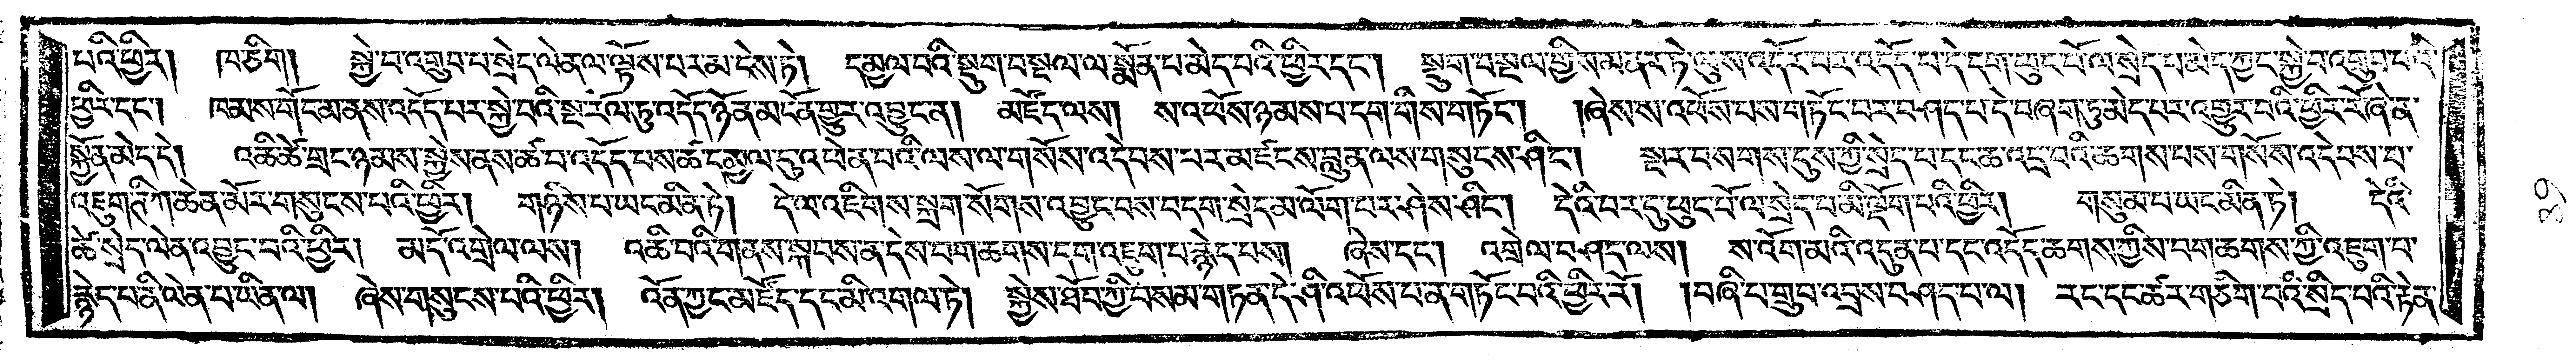པའི་ཕྱིར། ཁ་ཅིག། སྐྱེ་བ་འགྲུབ་པ་སྲེང་ལེན་ལ་ལྟོས་བར་མ་ངེས་ཏེ། དམྱལ་བའི་སྡུག་བསྔལ་ལ་སྨོན་པ་མེད་པའི་ཕྱིར་དང་། སྡུག་བསྔལ་གྱིས་མནར་ཏེ་ལུས་འདོར་བང་འདོད་བ་དེ་དག་ཕུང་པོ་ལ་སྲེད་བ་མེད་ཀྱང་སྐྱེ་བ་གྲུབ་བའི་
བྱིར་དང་། ཁམས་གོང་མ་ནས་འདོད་པར་སྐྱེ་བའི་སྤ་རོལ་ཏུ་འདོད་ཉོན་མངོན་གྱུར་འབྱུང་ན། མཛེད་ལས། ས་འཕོས་ཉམས་བ་དག་གིས་གཏོང་། །ཞེས་ས་འཕོས་བས་གཏོང་བར་བཤད་པ་དེ་བཞག་ཏུ་མེད་པར་འགྱུར་བའི་ཕྱིར་རོ་ཞེ་ན་
སྐྱོན་མེད་དེ། འཆི་ཚེ་གྲང་ཉམས་སྐྱེས་ནས་ཚབ་འདོད་པས་ཚ་དམྱལ་དུ་འཕེན་པའི་ལས་ལ་གསོས་འདེབས་པར་མཛངས་བླུན་ལས་གསུངས་ཤིང་། སྔར་བསགས་དུས་ཀྱི་སྲེད་པ་དང་ཆ་འདྲ་བའི་ཆགས་པས་གསོས་འདེབས་བ་
འཇུག་ཊིཀ་ཆེན་མོར་གསུངས་པའི་ཕྱིར། གཉིས་པ་ཡང་མིན་ཏེ། དེ་ལ་འཇིགས་སྐྲག་སོགས་འབྱུང་བས་བདག་སྲེད་མ་ལོག་པར་ཤེས་ཤིང་། དེའི་བར་དུ་ཕུང་པོ་ལ་སྲེད་པ་མི་ལྡོག་པའི་ཕྱིར། གསུམ་པ་ཡང་མིན་ཏེ། དེའི་
ཚེ་སྲེད་ལེན་འབྱུང་བའི་ཕྱིར། མདོ་འགྲེལ་ལས། འཆི་བའི་གནས་སྐབས་ན་དེས་བག་ཆགས་དག་འཇུག་པ་རྙེད་པས། ཞེས་དང་། འགྲེལ་བཤད་ལས། ས་འོག་མའི་འདུན་པ་དང་འདོད་ཆགས་ཀྱིས་བག་ཆགས་ཀྱི་འཇུག་པ་
རྙེད་པ་ནི་ལེན་པ་ཡིན་ལ། ཞེས་གསུངས་པའི་ཕྱིར། འོན་ཀྱང་མཛོད་དང་མི་འགལ་ཏེ། སྐྱེས་ཐོབ་ཀྱི་བསམ་གཏན་དེ་ཤི་འཕོས་པ་ན་གཏོང་བའི་ཕྱིར་རོ། །བཞི་པ་གྲུབ་འབྲས་བཤད་པ་ལ། རང་དང་ཚར་གཅིག་པའི་སྲིད་བའི་རྟེན་